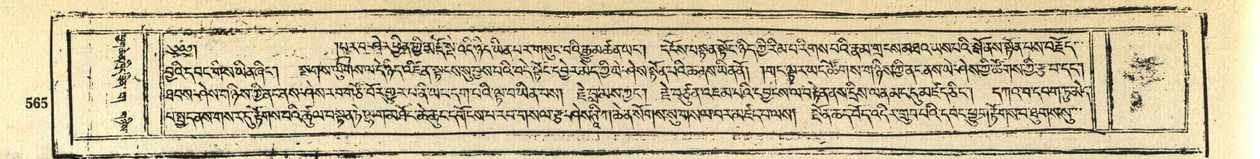༄༅། །པར་བ་ཤེར་ཕྱིན་གྱི་མྲྡོ་སྡེ་འདི་ཉིད་ཡིན་པར་གསུང་བའི་རྒྱུ་མཚན་ཡང་། དངོས་བསྟན་སྟོང་ཉིད་ཀྱི་རིམ་པ་རིགས་པའི་རྣམ་གྲངས་མཐའ་ཡས་པའི་སྒོ་ནས་སྟོན་པས་བརྗོད་
བྱའི་དབང་གིས་ཡིན་ཞིང་། སྔགས་ལུགས་ལ་དེ་ཉིད་འཛིན་སྟངས་སུ་བྱས་པའི་བདེ་སྟོང་དབྱེར་མེད་ཀྱི་ཡེ་ཤེས་སྟོན་པའི་ཆ་ནས་ཡིན་ནོ། །གང་ལྟར་ཡང་ཚོགས་གཉིས་ཀྱི་ནང་ནས་ཡེ་ཤེས་ཀྱི་ཚོགས་ཀྱི་རྩ་བ་དང་།
ཐབས་ཤེས་གཉིས་ཀྱི་ནང་ནས་ཤེས་རབ་གཙོ་བོར་གྱུར་པ་ནི་ཡང་དག་པའི་ལྟ་བ་ཡིན་པས། རྗེ་བླ་མས་ཀྱང་། རྗེ་བཙུན་འཇམ་པའི་དབྱངས་ལ་བརྟེན་ནས་དྲིས་ལན་མང་དུ་མཛད་ཅིང་། དཀའ་བ་དཔག་ཏུ་མེད་
པ་སྤྱད་ནས་གསར་དུ་རྟོགས་པའི་ཚུལ་བསྟན་ཏེ་ལྷག་མཐོང་ཆེ་ཆུང་དགོངས་པ་རབ་གསལ་རྩ་ཤེས་ཊཱིཀ་ཆེན་སོགས་སུ་གསལ་བར་མཛད་པ་ལས། སྔོན་ཆད་བོད་འདིར་གྲུབ་པའི་དབང་ཕྱུག་རྟོགས་པ་ཐུགས་སུ་